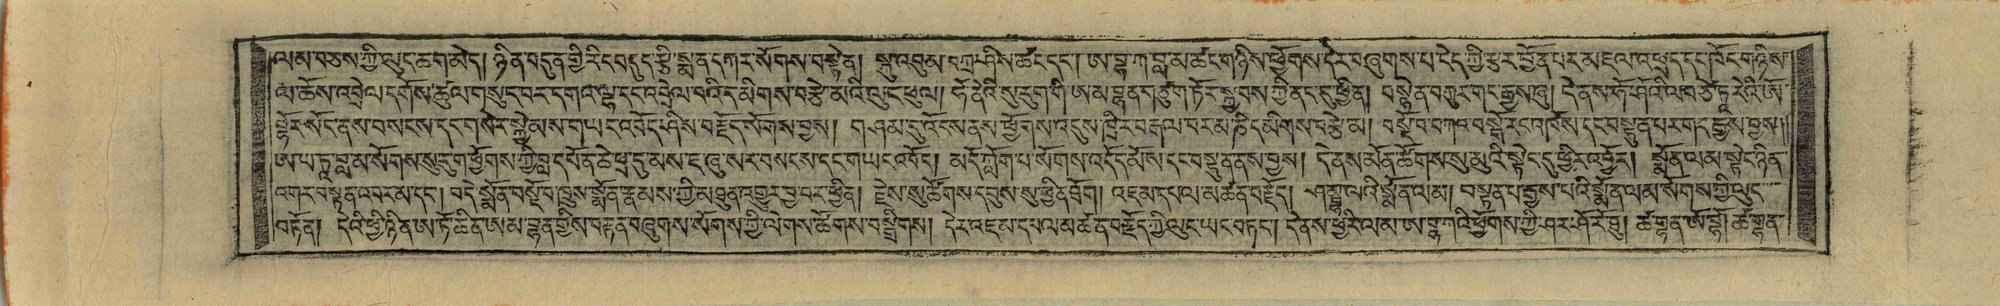ལམ་བཅས་ཀྱི་ལུང་ཆག་མེད། ཉིན་བདུན་གྱི་རིང་བདུད་རྩི་སྨན་དཀར་སོགས་བསྟེན། སྐུ་འབུམ་བཀྲ་ཤིས་ཚང་དང་། ཨ་བྷ་ཀ་བླ་མ་ཚང་གཉིས་ཕྱོགས་དེར་བཞུགས་པ་ངེད་ཀྱི་རྩར་བྱོན་པར་མཇལ་འཕྲད་དང་ཁོང་གཉིས་
ལ་ཆོས་འབྲེལ་དགོས་ཚུལ་གསུང་བར་དགའ་ལྷ་དང་འབྲེལ་བའི་དམིགས་བརྩེ་མའི་ལུང་ཕུལ། ཧོ་ནེའི་སུ་རུག་གི་ཨམ་བྷན་གཙུག་ཏོར་སྐྱབས་ཀྱི་ནང་དུ་ཕྱིན། བསྙེན་བཀུར་གང་རྒྱས་ཞུ། དེ་ནས་ཧོ་ཤོའི་ལབ་ཙེ་ཙཱ་རེའི་ཨོ་
བྷོར་སོང་ནས་བསངས་དང་གསེར་སྐྱེམས་གཡང་འབོད་ཤིས་བརྗོད་སོགས་བྱས། གཤམ་དུ་འོངས་ནས་ཕྱོགས་འདུས་ཁྲིར་བརྒལ་བར་མ་ཎི་དམིགས་བརྩེ་མ། བསྔོ་བ་བཀའ་བསྒོ་རང་འཁོས་དང་བསྟུན་པར་གང་རྒྱས་བྱས། །
ཨ་ཡ་ཏཱ་བླ་མ་སོགས་སུ་རུག་ཕྱོགས་ཀྱི་བླ་དཔོན་ཆེ་ཕྲ་དུ་མས་ཇ་ཞུ་སར་བསངས་དང་གཡང་འབོད། མདོ་ཀློག་པ་སོགས་འདོད་མོས་དང་བསྟུན་ནས་བྱས། དེ་ནས་མོན་ཚོགས་སུ་མུའི་སྟེང་དུ་ཕྱིར་འབྱོར། སྨོན་ལམ་སྟེང་ཉིན་
འགར་བསྟན་འབར་མ་དང་། བདེ་སྨོན་བསྔོ་བ་ཁྲུས་སྨོན་རྣམས་ཀྱི་མཐུན་འགྱུར་བྱ་བར་ཕྱིན། རྗེས་སུ་ཚོགས་དབུས་སུ་ཕྱིན་ཐོག །འཇམ་དཔལ་མཚན་བརྗོད། ཤམྦྷ་ལའི་སྨོན་ལམ། བསྟན་པ་རྒྱས་པའི་སྨོན་ལམ་སོགས་ཀྱི་ལུང་
བཏོན། དེའི་ཕྱི་ཉིན་ཨ་ཏོ་ཆིན་ཨམ་བྷན་གྱིས་བརྟན་བཞུགས་སོགས་ཀྱི་ལེགས་ཚོགས་བསྒྲིགས། དེར་འཇམ་དཔལ་མཚན་བརྗོད་ཀྱི་ལུང་ཡང་བཏང་། དེ་ནས་ཕྱིར་ལམ་ཨ་བྷ་ཀའི་ཕྱོགས་ཀྱི་ཤར་ཤོ་རོ་ཐུ། ཚ་གྷན་ཨོ་བྷོ། ཚ་གྷན་